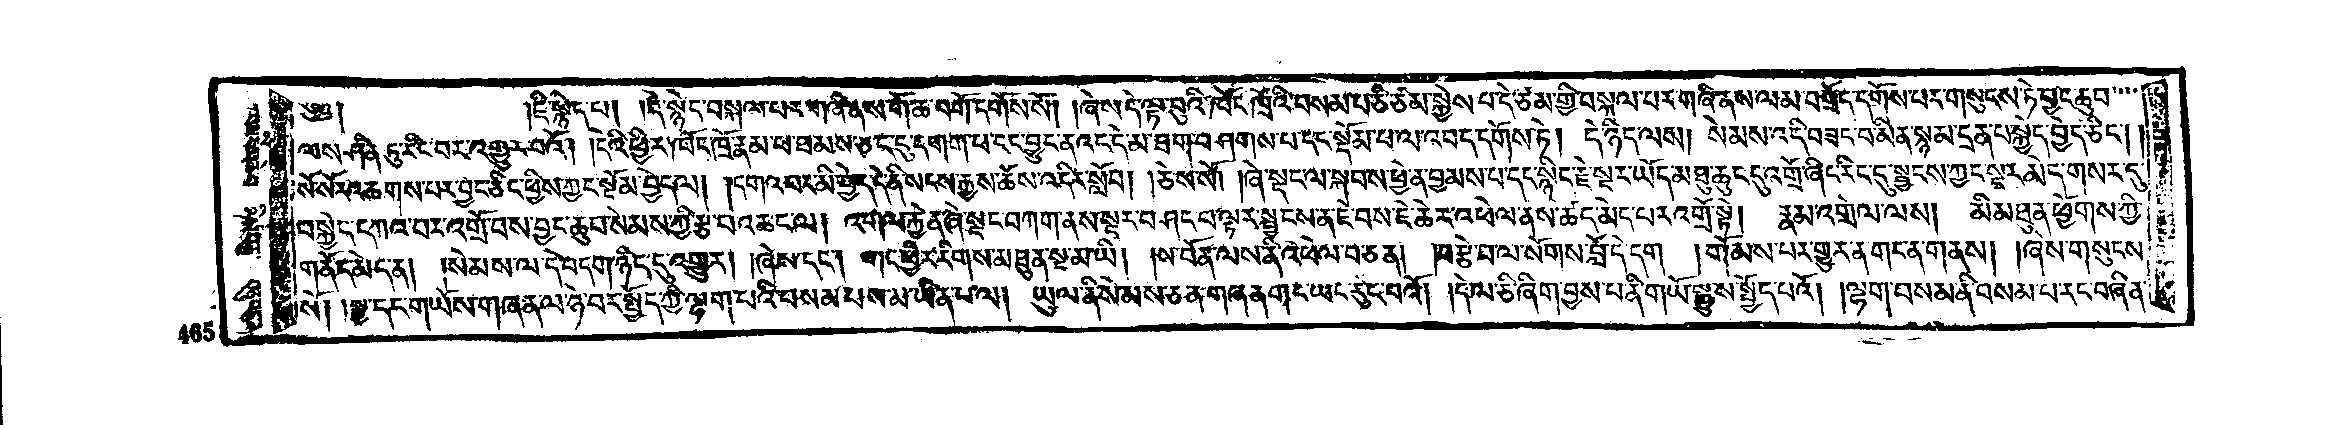༄༅། །ཇི་སྙེད་པ། །དེ་སྙེད་བསྐལ་པར་གཞི་ནས་གོ་ཆ་བགོ་དགོས་སོ། །ཞེས་དེ་ལྟ་བུའི་ཁོང་ཁྲོའི་བསམ་པ་ཅི་ཙམ་སྐྱེས་པ་དེ་ཙམ་གྱི་བསྐལ་པར་གཞི་ནས་ལམ་བགྲོད་དགོས་པར་གསུངས་ཏེ་བྱང་ཆུབ་
ལས་ཤིན་ཏུ་རིང་བར་འགྱུར་བའོ། །དེའི་ཕྱིར་ཁོང་ཁྲོ་རྣམ་པ་ཐམས་ཅད་དུ་དགག་པ་དང་བྱུང་ནའང་དེ་མ་ཐག་བཤགས་པ་དང་སྡོམ་པ་ལ་འབད་དགོས་ཏེ། དེ་ཉིད་ལས། སེམས་འདི་བཟང་བ་མིན་སྙམ་དྲན་པ་སྐྱེད་བྱེད་ཅིང་། །
སོ་སོར་འཆགས་པར་བྱེད་ཅིང་ཕྱིས་ཀྱང་སྡོམ་བྱེད་ལ། །དགའ་བར་མི་བྱེད་དེ་ནི་སངས་རྒྱས་ཆོས་འདིར་སློབ། །ཅེས་སོ། །ཞེ་སྡང་ལ་སྐབས་ཕྱེ་ན་བྱམས་པ་དང་སྙིང་རྗེ་སྡར་ཡོད་མཐུ་ཆུང་དུ་འགྲོ་ཞིང་རིང་དུ་སྦྱངས་ཀྱང་སྔར་མེད་གསར་དུ་
བསྐྱེད་དཀའ་བར་འགྲོ་བས་བྱང་ཆུབ་སེམས་ཀྱི་རྩ་བ་འཆད་ལ། འགལ་རྐྱེན་ཞེ་སྡང་བཀག་ནས་སྔར་བཤད་པ་ལྟར་སྦྱངས་ན་ཇེ་བས་ཇེ་ཆེར་འཕེལ་ནས་ཚད་མེད་པར་འགྲོ་སྟེ། རྣམ་འགྲེལ་ལས། མི་མཐུན་ཕྱོགས་ཀྱི་
གནོད་མེད་ན། །སེམས་ལ་དེ་བདག་ཉིད་དུ་འགྱུར། །ཞེས་དང་། གང་ཕྱིར་རིགས་མཐུན་སྔ་མ་ཡི། །ས་བོན་ལས་ནི་འཕེལ་བ་ཅན། །བརྩེ་བ་ལ་སོགས་བློ་དེ་དག །གོམས་པར་གྱུར་ན་གང་ན་གནས། །ཞེས་གསུངས་
སོ༑ ༑སྒྱུ་དང་གཡོས་གཞན་ལ་ཉེ་བར་སྤྱོད་ཀྱི་ལྷག་པའི་བསམ་པས་མ་ཡིན་པ་ལ། ཡུལ་ནི་སེམས་ཅན་གཞན་གང་ཡང་རུང་བའོ། །དེ་ལ་ཅི་ཞིག་བྱས་པ་ནི་གཡོ་སྒྱུས་སྤྱོད་པའོ། །ལྷག་བསམ་ནི་བསམ་པ་རང་བཞིན་